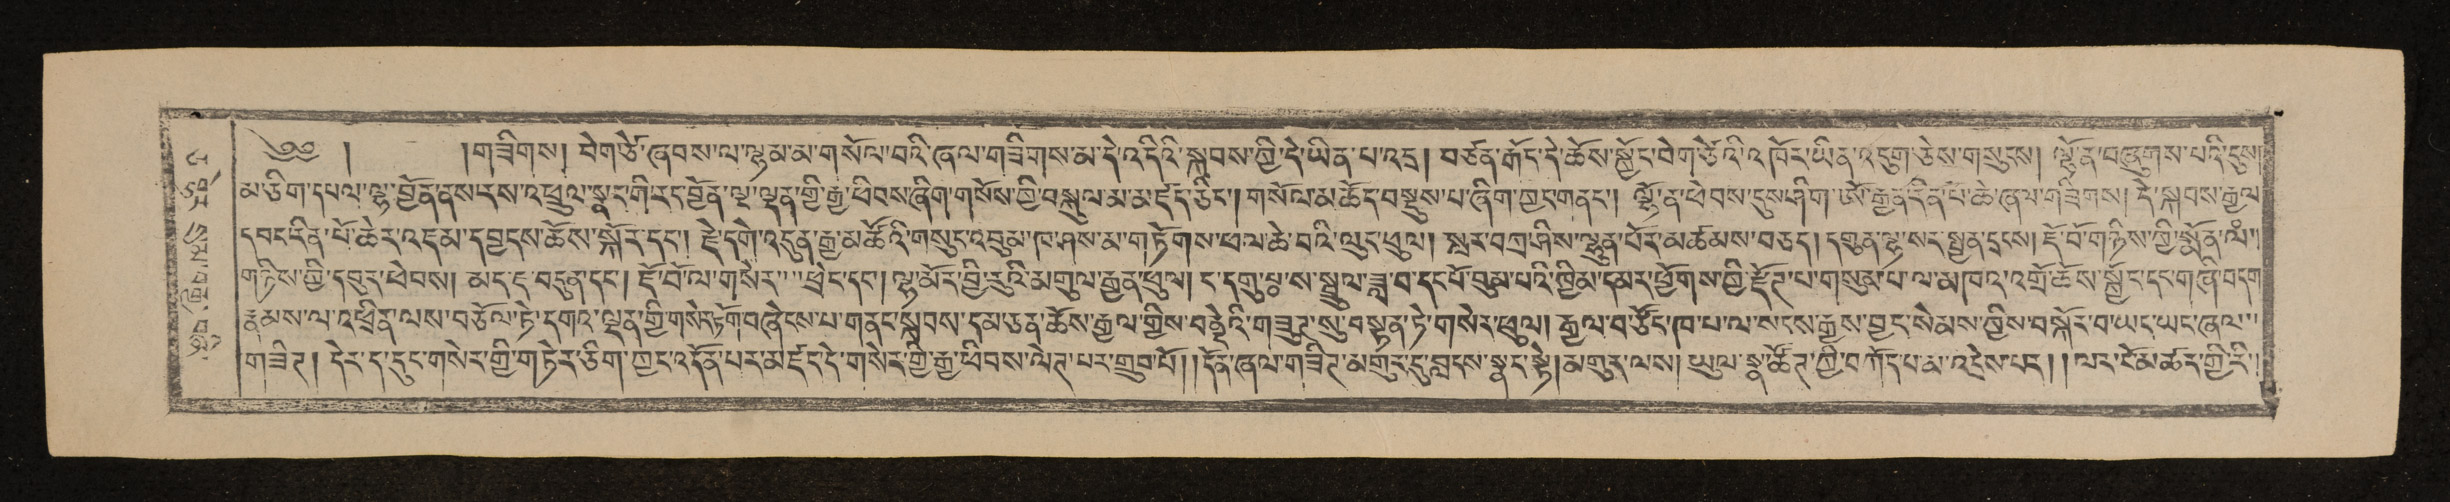༄༅། །གཟིགས། བེག་ཙེ་ཞབས་ལ་ལྷམ་མ་གསོལ་བའི་ཞལ་གཟིགས་མ་དེ་འདིའི་སྐབས་ཀྱི་དེ་ཡིན་པ་འདྲ། བཙན་རྒོད་དེ་ཆོས་སྐྱོང་བེག་ཙེའི་འཁོར་ཡིན་འདུག་ཅེས་གསུངས། ལྷོ་ན་བཞུགས་པའི་དུས། མ་ཅིག་དཔལ་ལྷ་
བྱོན་ནས་རས་འཕྲུལ་སྣང་གི་རང་བྱོན་ལྔ་ལྡན་གྱི་རྒྱ་ཕིབས་ཞིག་གསོས་ཀྱི་བསྐུལ་མ་མཛད་ཅིང་། གསོལ་མཆོད་བསྡུས་པ་ཞིག་ཀྱང་གནང་། ལྷོ་ན་ཕེབས་དུས་ཤིག་ཨོ་རྒྱན་རིན་པོ་ཆེ་ཞལ་གཟིགས། དེ་སྐབས་རྒྱལ་དབང་རིན་པོ་ཆེར་འཇམ་
དབྱངས་ཆོས་སྐོར་དང་། རྗེ་དགེ་འདུན་རྒྱ་མཚོའི་གསུང་འབུམ་ཁ་ཤས་མ་གཏོགས་ཕལ་ཆེ་བའི་ལུང་ཕུལ། སླར་བཀྲ་ཤིས་ལྷུན་པོ་མཚམས་བཅད། དགུན་ལྷ་སར་སྤྱན་དྲངས། ཇོ་བོ་གཉིས་ཀྱི་སྨོན་ལམ་གཉིས་ཀྱི་དབུར་ཕེབས། མང་ཇ་
བདུན་དང་། ངོ་བོ་ལ་གསེར་ཕྲེང་དང་། ལྷ་མོར་བྱི་རུའི་མགུལ་རྒྱན་ཕུལ། ང་དགུ་པ་ས་སྦྲུལ་ཟླ་བ་དང་པོ་བུམ་པའི་ཁྱིམ་དམར་ཕྱོགས་ཀྱི་རྫོགས་པ་གསུམ་པ་ལ་མཁའ་འགྲོ་ཆོས་སྐྱོང་དང་གཞི་བདག་རྣམས་ལ་འཕྲིན་ལས་བཅོལ་ཏེ་དགའ་
ལྡན་གྱི་གསེར་ཏོག་བཞེངས་པ་གནང་སྐབས་དམ་ཅན་ཆོས་རྒྱལ་གྱིས་བནྡེའི་གཟུགས་སུ་བསྟན་ཏེ་གསེར་ཕུལ། རྒྱལ་བ་ཙོང་ཁ་པ་ལ་སངས་རྒྱས་བྱང་སེམས་ཀྱིས་བསྐོར་བ་ཡང་ཡང་ཞལ་གཟིགས། དེར་ད་དུང་གསེར་གྱི་གཏེར་ཅིག་
ཀྱང་འདོན་པར་མཛད་དེ་གསེར་གྱི་རྒྱ་ཕིབས་ལེགས་པར་གྲུབ་པོ། །དོན་ཞལ་གཟིགས་མགུར་དུ་བླངས་སྣང་སྟེ། མགུར་ལས། ཡུལ་སྣ་ཚོགས་ཀྱི་བཀོད་པ་མ་འདྲེས་པར། །ལར་ངོ་མཚར་གྱི་རི་མོ་སྣ་ཚོགས་མཐོང་། །དཔེ་དགུང་སྔོན་གྱི་